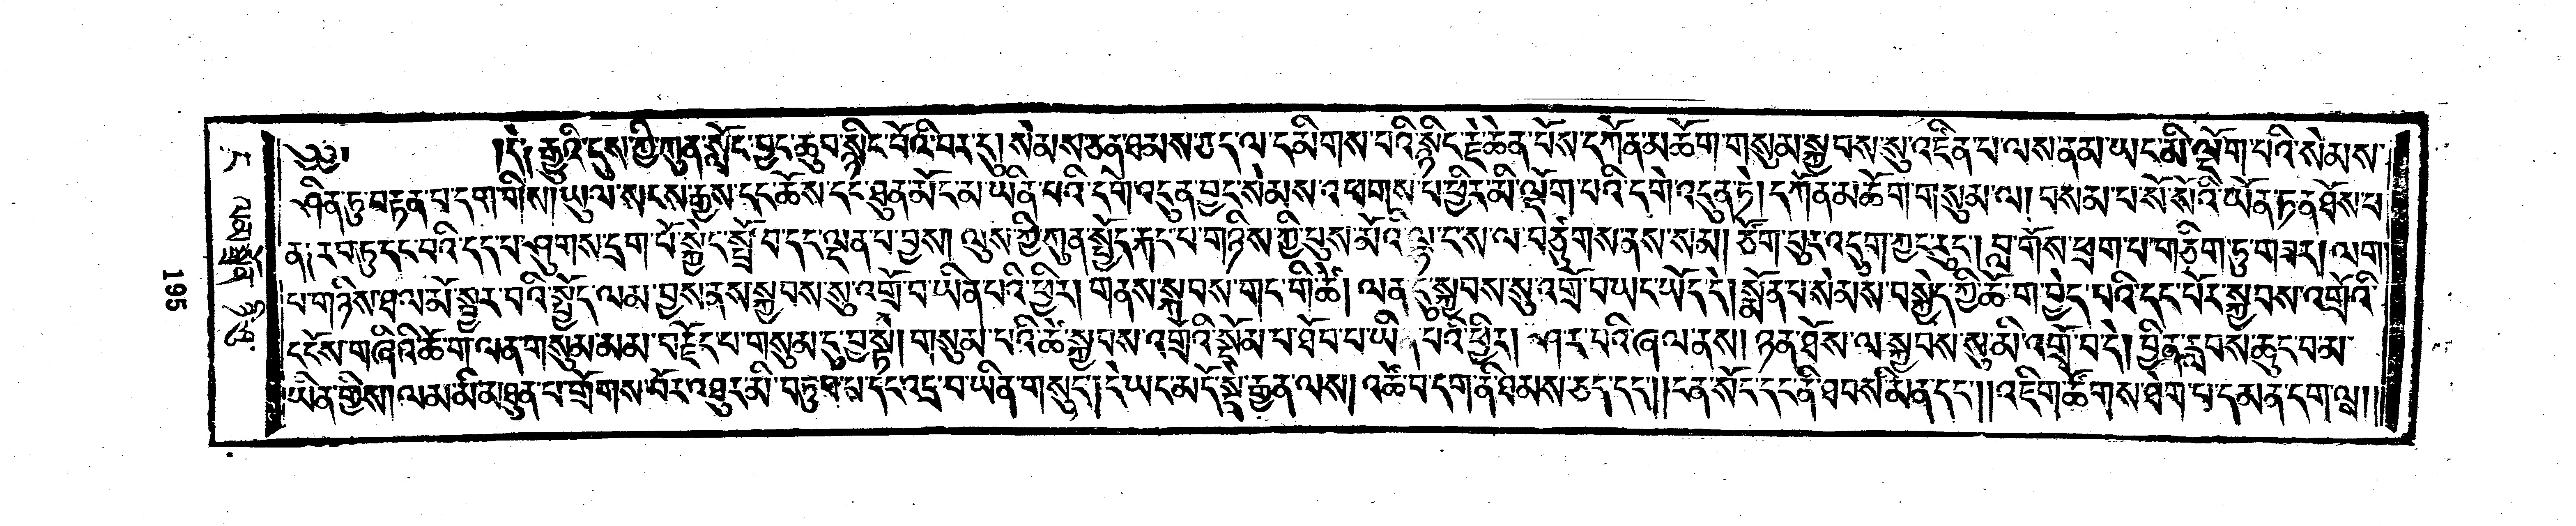༄༅། །དེ། རྒྱུའི་དུས་ཀྱི་ཀུན་སློང་བྱང་ཆུབ་སྙིང་པོའི་བར་དུ། སེམས་ཅན་ཐམས་ཅད་ལ་དམིགས་པའི་སྙིང་རྗེ་ཆེན་པོས་དཀོན་མཆོག་གསུམ་སྐྱབས་སུ་འཛིན་པ་ལས་ནམ་ཡང་མི་ལྡོག་པའི་སེམས་
ཤིན་ཏུ་བརྟན་པ་དག་གིས། ཡུལ་སངས་རྒྱས་དང་ཆོས་དང་ཐུན་མོང་མ་ཡིན་པའི་དགེ་འདུན་བྱང་སེམས་འཕགས་པ་ཕྱིར་མི་ལྡོག་པའི་དགེ་འདུན་ཏེ། དཀོན་མཆོག་གསུམ་ལ། བསམ་པ་སོ་སོའི་ཡོན་ཏན་ཐོས་པ་
ན། རབ་ཏུ་དང་བའི་དད་པ་ཤུགས་དྲག་པོ་སྐྱེད་སྤྲོ་བ་དང་ལྡན་པ་བྱས། ལུས་ཀྱི་ཀུན་སྤྱོད་རྐང་པ་གཉིས་ཀྱི་པུས་མོའི་ལྷ་ང་ས་ལ་བཙུགས་ནས་སམ། ཙོག་པུར་འདུག་ཀྱང་རུང་། བླ་གོས་ཕྲག་པ་གཅིག་ཏུ་གཟར། ལག་
པ་གཉིས་ཐལ་མོ་སྦྱར་བའི་སྤྱོད་ལམ་བྱས་ནས་སྐྱབས་སུ་འགྲོ་བ་ཡིན་པའི་ཕྱིར། གནས་སྐབས་གང་གི་ཚེ། ལན་དུ་སྐྱབས་སུ་འགྲོ་བ་ཡང་ཡོད་དེ། སྨོན་པ་སེམས་བསྐྱེད་ཀྱི་ཆོ་ག་བྱེད་པའི་དང་པོར་སྐྱབས་འགྲོའི་
དངོས་གཞིའི་ཆོ་ག་ལན་གསུམ་མམ་བརྗོད་པ་གསུམ་དུ་བྱ་སྟེ། གསུམ་པའི་ཚེ་སྐྱབས་འགྲོའི་སྡོམ་པ་ཐོབ་པ་ཡིན་པའི་ཕྱིར། ཤ་ར་བའི་ཞལ་ནས། ཉན་ཐོས་ལ་སྐྱབས་སུ་མི་འགྲོ་བ་དེ། བྱིན་རླབས་ཆུང་བ་མ་
ཡིན་གྱིས། ལམ་མི་མཐུན་པ་གྲོགས་པོར་འཐུར་མི་བཏུབ་པ་དང་འདྲ་བ་ཡིན་གསུང་། དེ་ཡང་མདོ་སྡེ་རྒྱན་ལས། འཚེ་བ་དག་ནི་ཐམས་ཅད་དང་། །ངན་སོང་དང་ནི་ཐབས་མིན་དང་། །འཇིག་ཚོགས་ཐེག་པ་དམན་དག་ལས། །